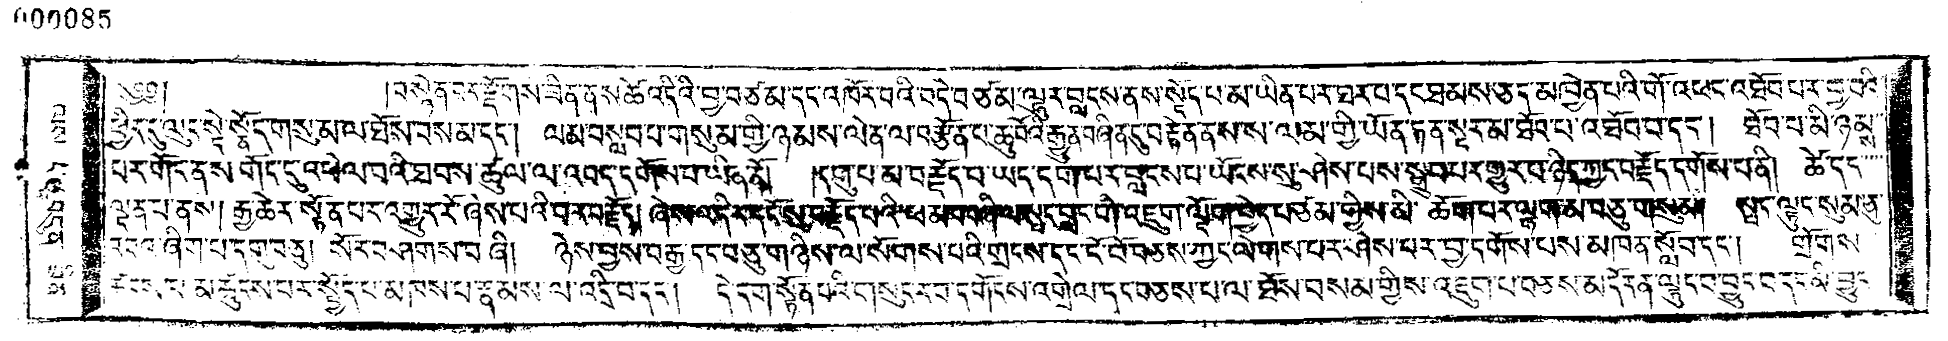༄༅། །བསྙེན་པར་རྫོགས་ཟིན་ནས་ཚེ་འདིའི་བྱ་བ་ཙམ་དང་འཁོར་བའི་བདེ་བ་ཙམ་ལྷུར་བླངས་ནས་སྡོད་པ་མ་ཡིན་པར་ཐར་པ་དང་ཐམས་ཅད་མཁྱེན་པའི་གོ་འཕང་འཐོབ་པར་བྱ་བའི་
ཕྱིར་དུ་ལུང་སྡེ་སྣོད་གསུམ་ལ་ཐོས་བསམ་དང་། ལམ་བསླབ་པ་གསུམ་གྱི་ཉམས་ལེན་ལ་བརྩོན་པ་ཆུ་བོའི་རྒྱུན་བཞིན་དུ་བརྟེན་ནས་ས་ལམ་གྱི་ཡོན་ཏན་སྔར་མ་ཐོབ་པ་འཐོབ་པ་དང་། ཐོབ་པ་མི་ཉམས་
པར་གོང་ནས་གོང་དུ་འཕེལ་བའི་ཐབས་ཚུལ་ལ་འབད་དགོས་པ་ཡིན་ནོ། །དགུ་པ་མ་བརྗོད་པ་ཡང་དག་པར་བླངས་པ་ཡོངས་སུ་ཤེས་པས་སྒྲུབ་པར་གྱུར་པ་ཉིད་ཀྱང་བརྗོད་དགོས་པ་ནི། ཚེ་དང་
ལྡན་པ་ནས། རྒྱ་ཆེར་སྟོན་པར་འགྱུར་རོ་ཞེས་པའི་བར་བརྗོད། ཞེས་འདིར་དངོས་སུ་བརྗོད་པའི་ཕམ་པ་བཞི་ལ་སྤང་བླང་གི་འཇུག་ལྡོག་བྱེད་པ་ཙམ་གྱིས་མི་ཆོག་པར་ལྷག་མ་བཅུ་གསུམ། སྤང་ལྟུང་སུམ་ཅུ་
འབའ་ཞིག་པ་དགུ་བཅུ། སོར་བཤགས་བཞི། ཉེས་བྱས་བརྒྱ་དང་བཅུ་གཉིས་ལ་སོགས་པའི་གྲངས་དང་ངོ་བོ་བཅས་ཀྱང་ལེགས་པར་ཤེས་པར་བྱ་དགོས་པས་མཁན་སློབ་དང་། གྲོགས་
ཚངས་པ་མཚུངས་པར་སྤྱོད་པ་མཁས་པ་རྣམས་ལ་འདྲི་བ་དང་། དེ་དག་སྟོན་པའི་གསུང་རབ་དགོངས་འགྲེལ་དང་བཅས་པ་ལ་ཐོས་བསམ་གྱིས་འཇུག་པ་བཅས་མདོར་ན་ལྟུང་བ་བྱུང་བ་དང་མི་བྱུང་